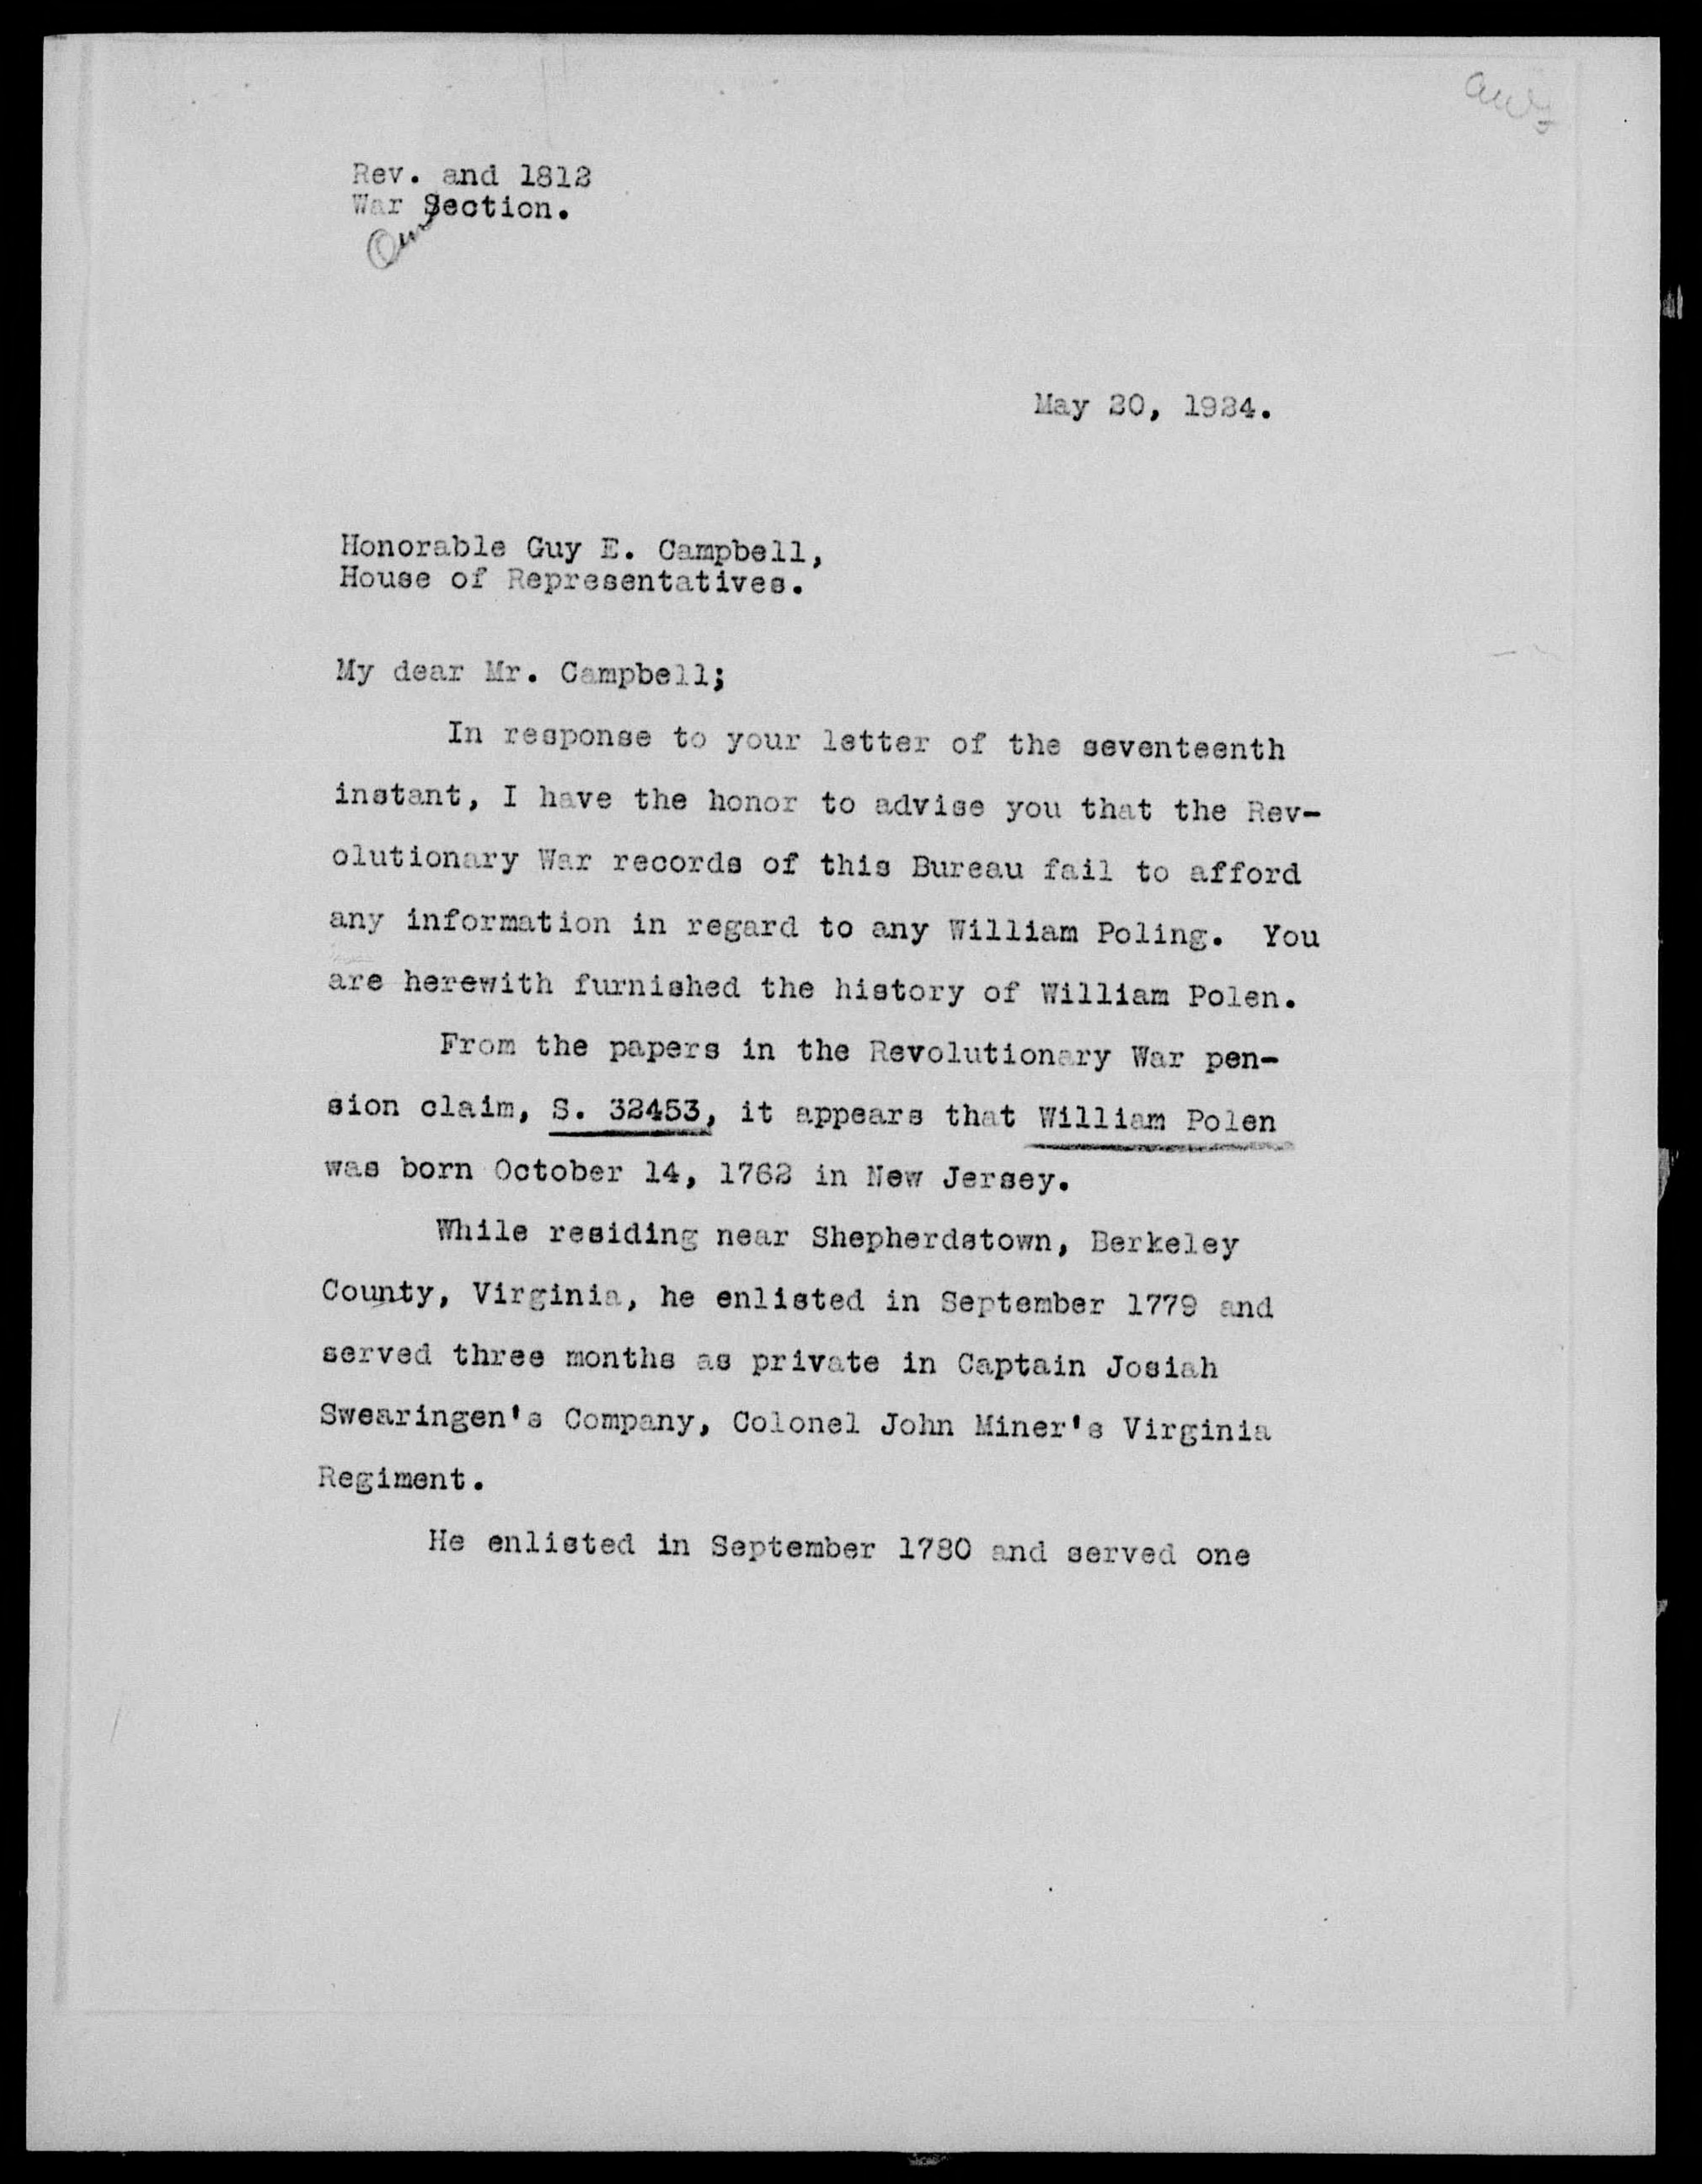Honorable Guy E. Campbell,
House of Representatives.
My dear Mr. Campbell;
In response to your letter of the seventeenth instant, I have the honor to advise you that the Revolutionary War records of this Bureau fail to afford any information in regard to any William Poling. You are herewith furnished the history of William Polen.
From the papers in the Revolutionary War pension claim, S. 32453, it appears that William Polen was born October 14, 1762 in New Jersey.
While residing near Shepherdtown, Berkeley County, Virginia, he enlisted in September 1779 and served three months as private in Captain Josiah Swearingen's Company, Colonel John Miner's Virginia Regiment.
He enlisted in September 1780 and served one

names: Guy E Campbell; William Polen; William Poling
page: 12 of 21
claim: survivor's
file: S. 32453, for William Polen, Virginia